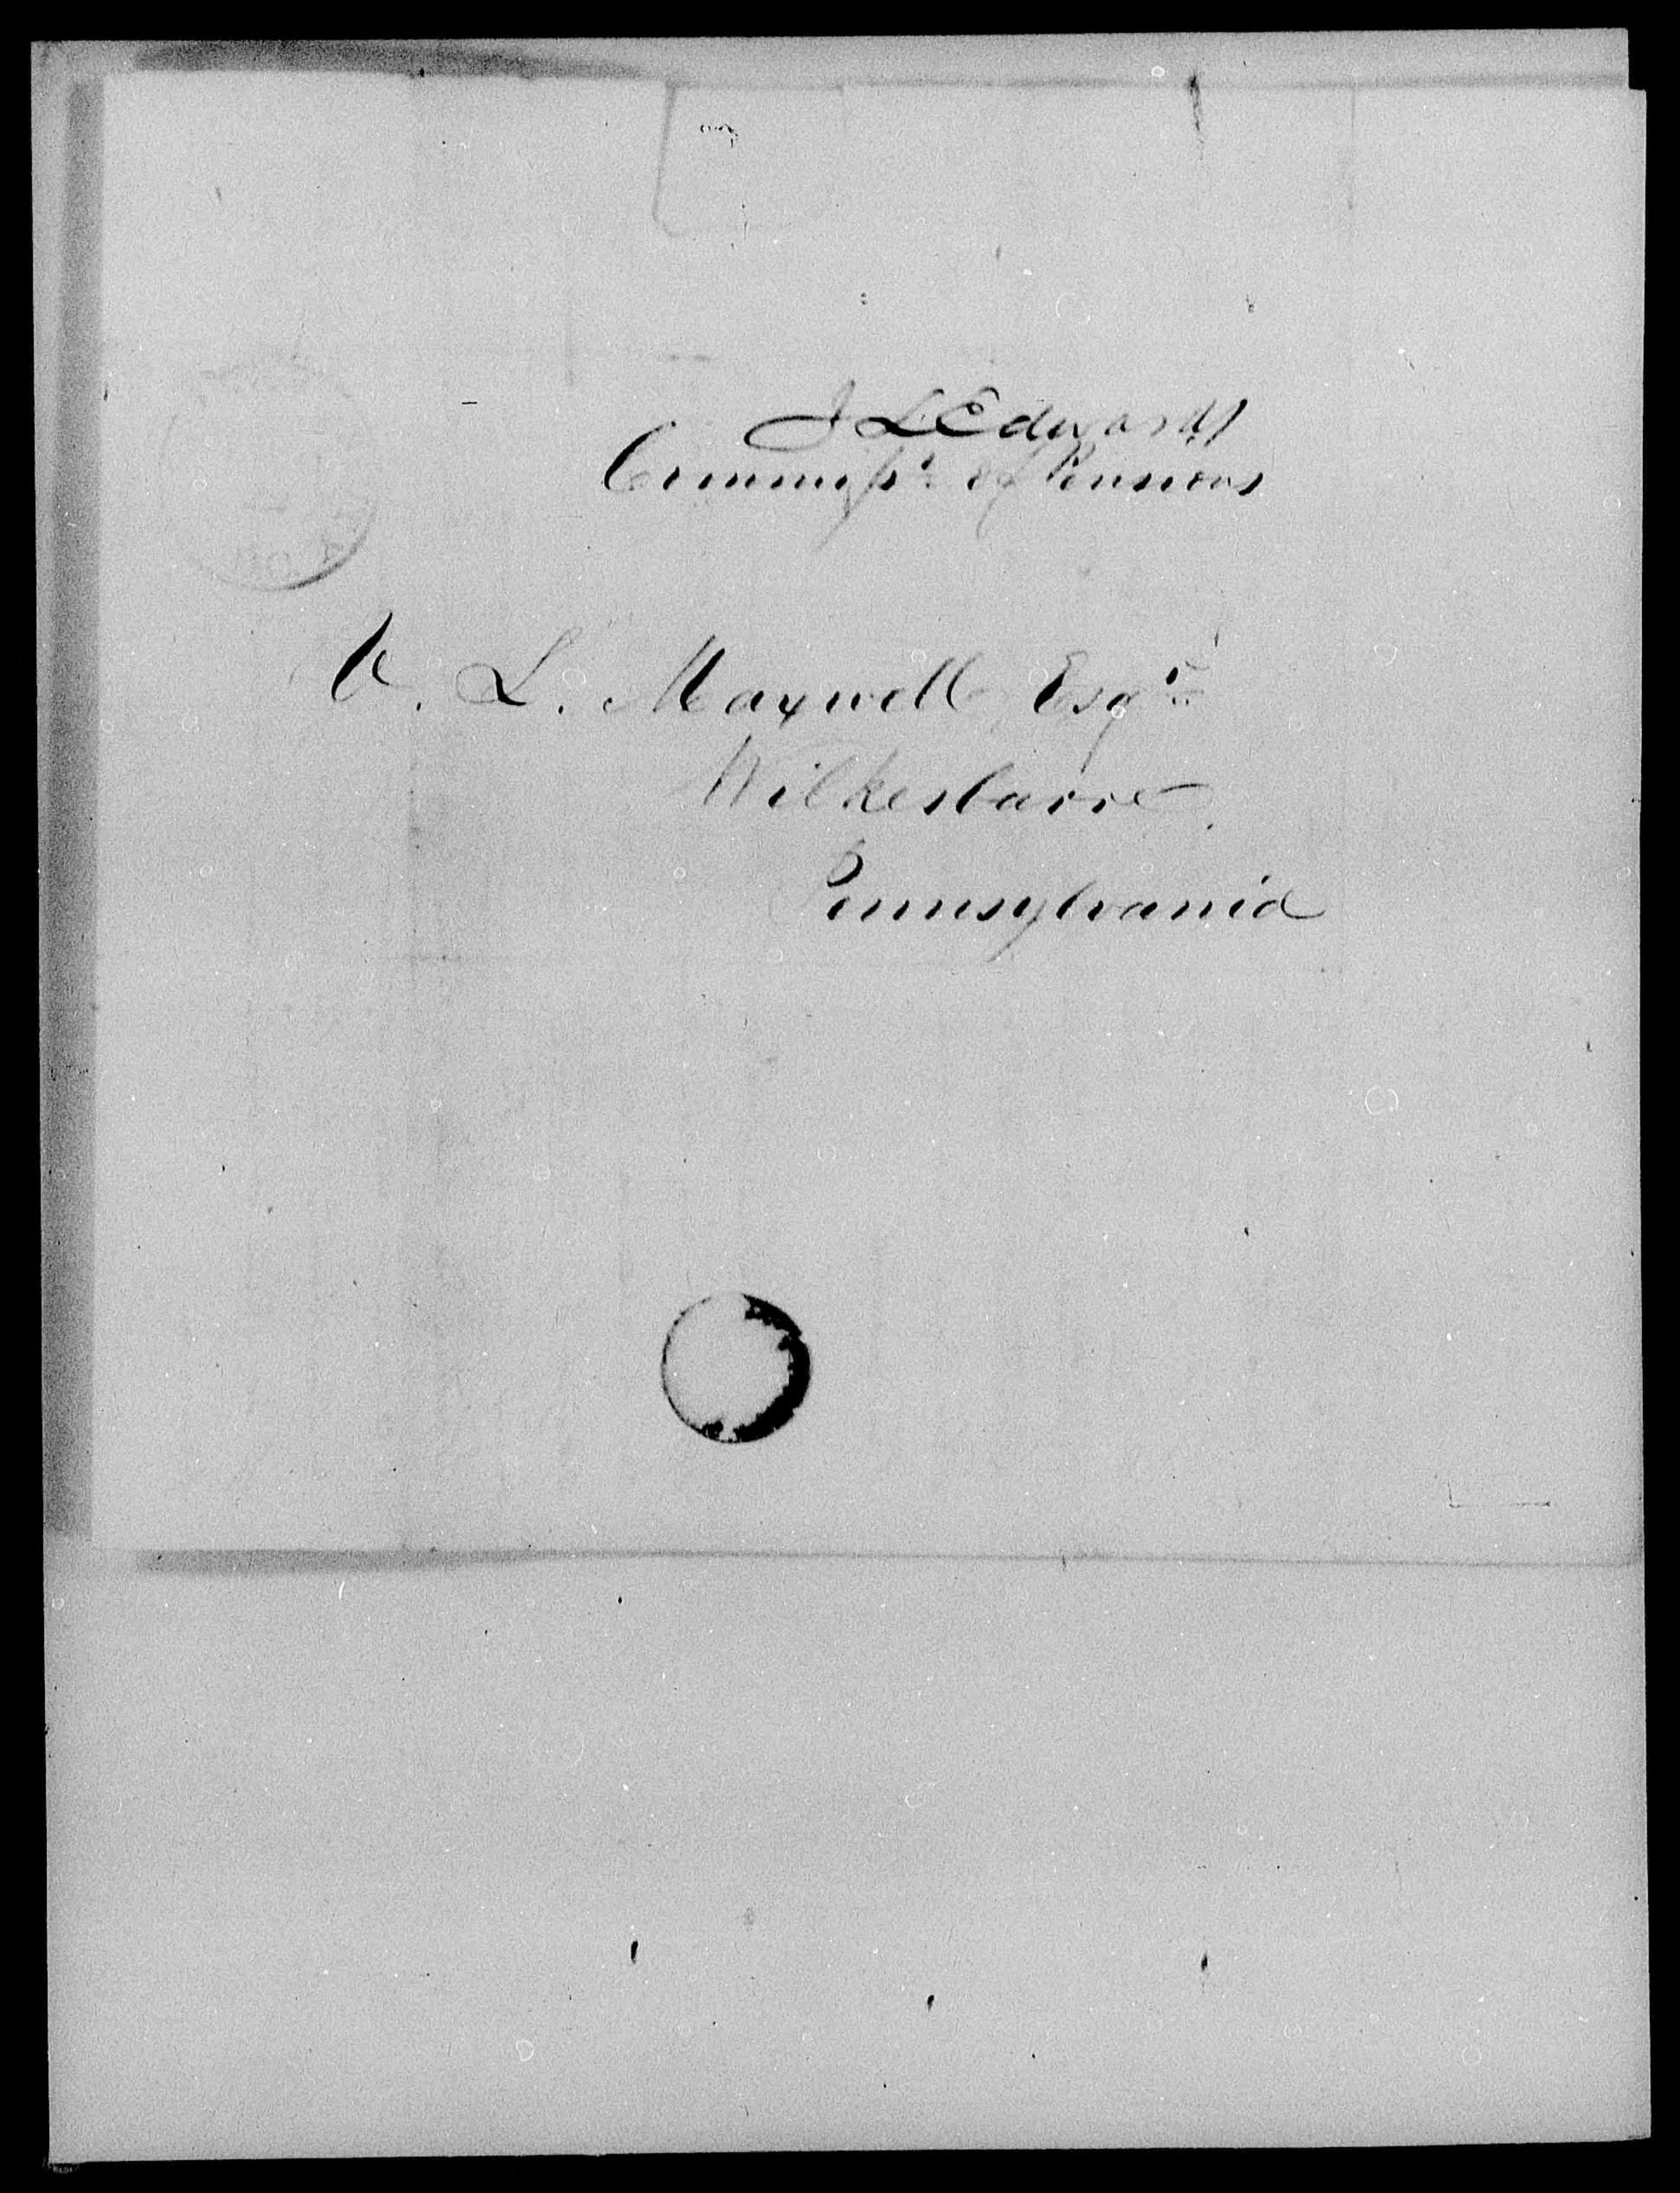J. L. Edwards
Commissr of Pensions
V. L. Maxwell Esqr
Wilkesbarre
Pennsylvania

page: 22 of 33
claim: widow's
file: W. 4592, for John Strong, New York